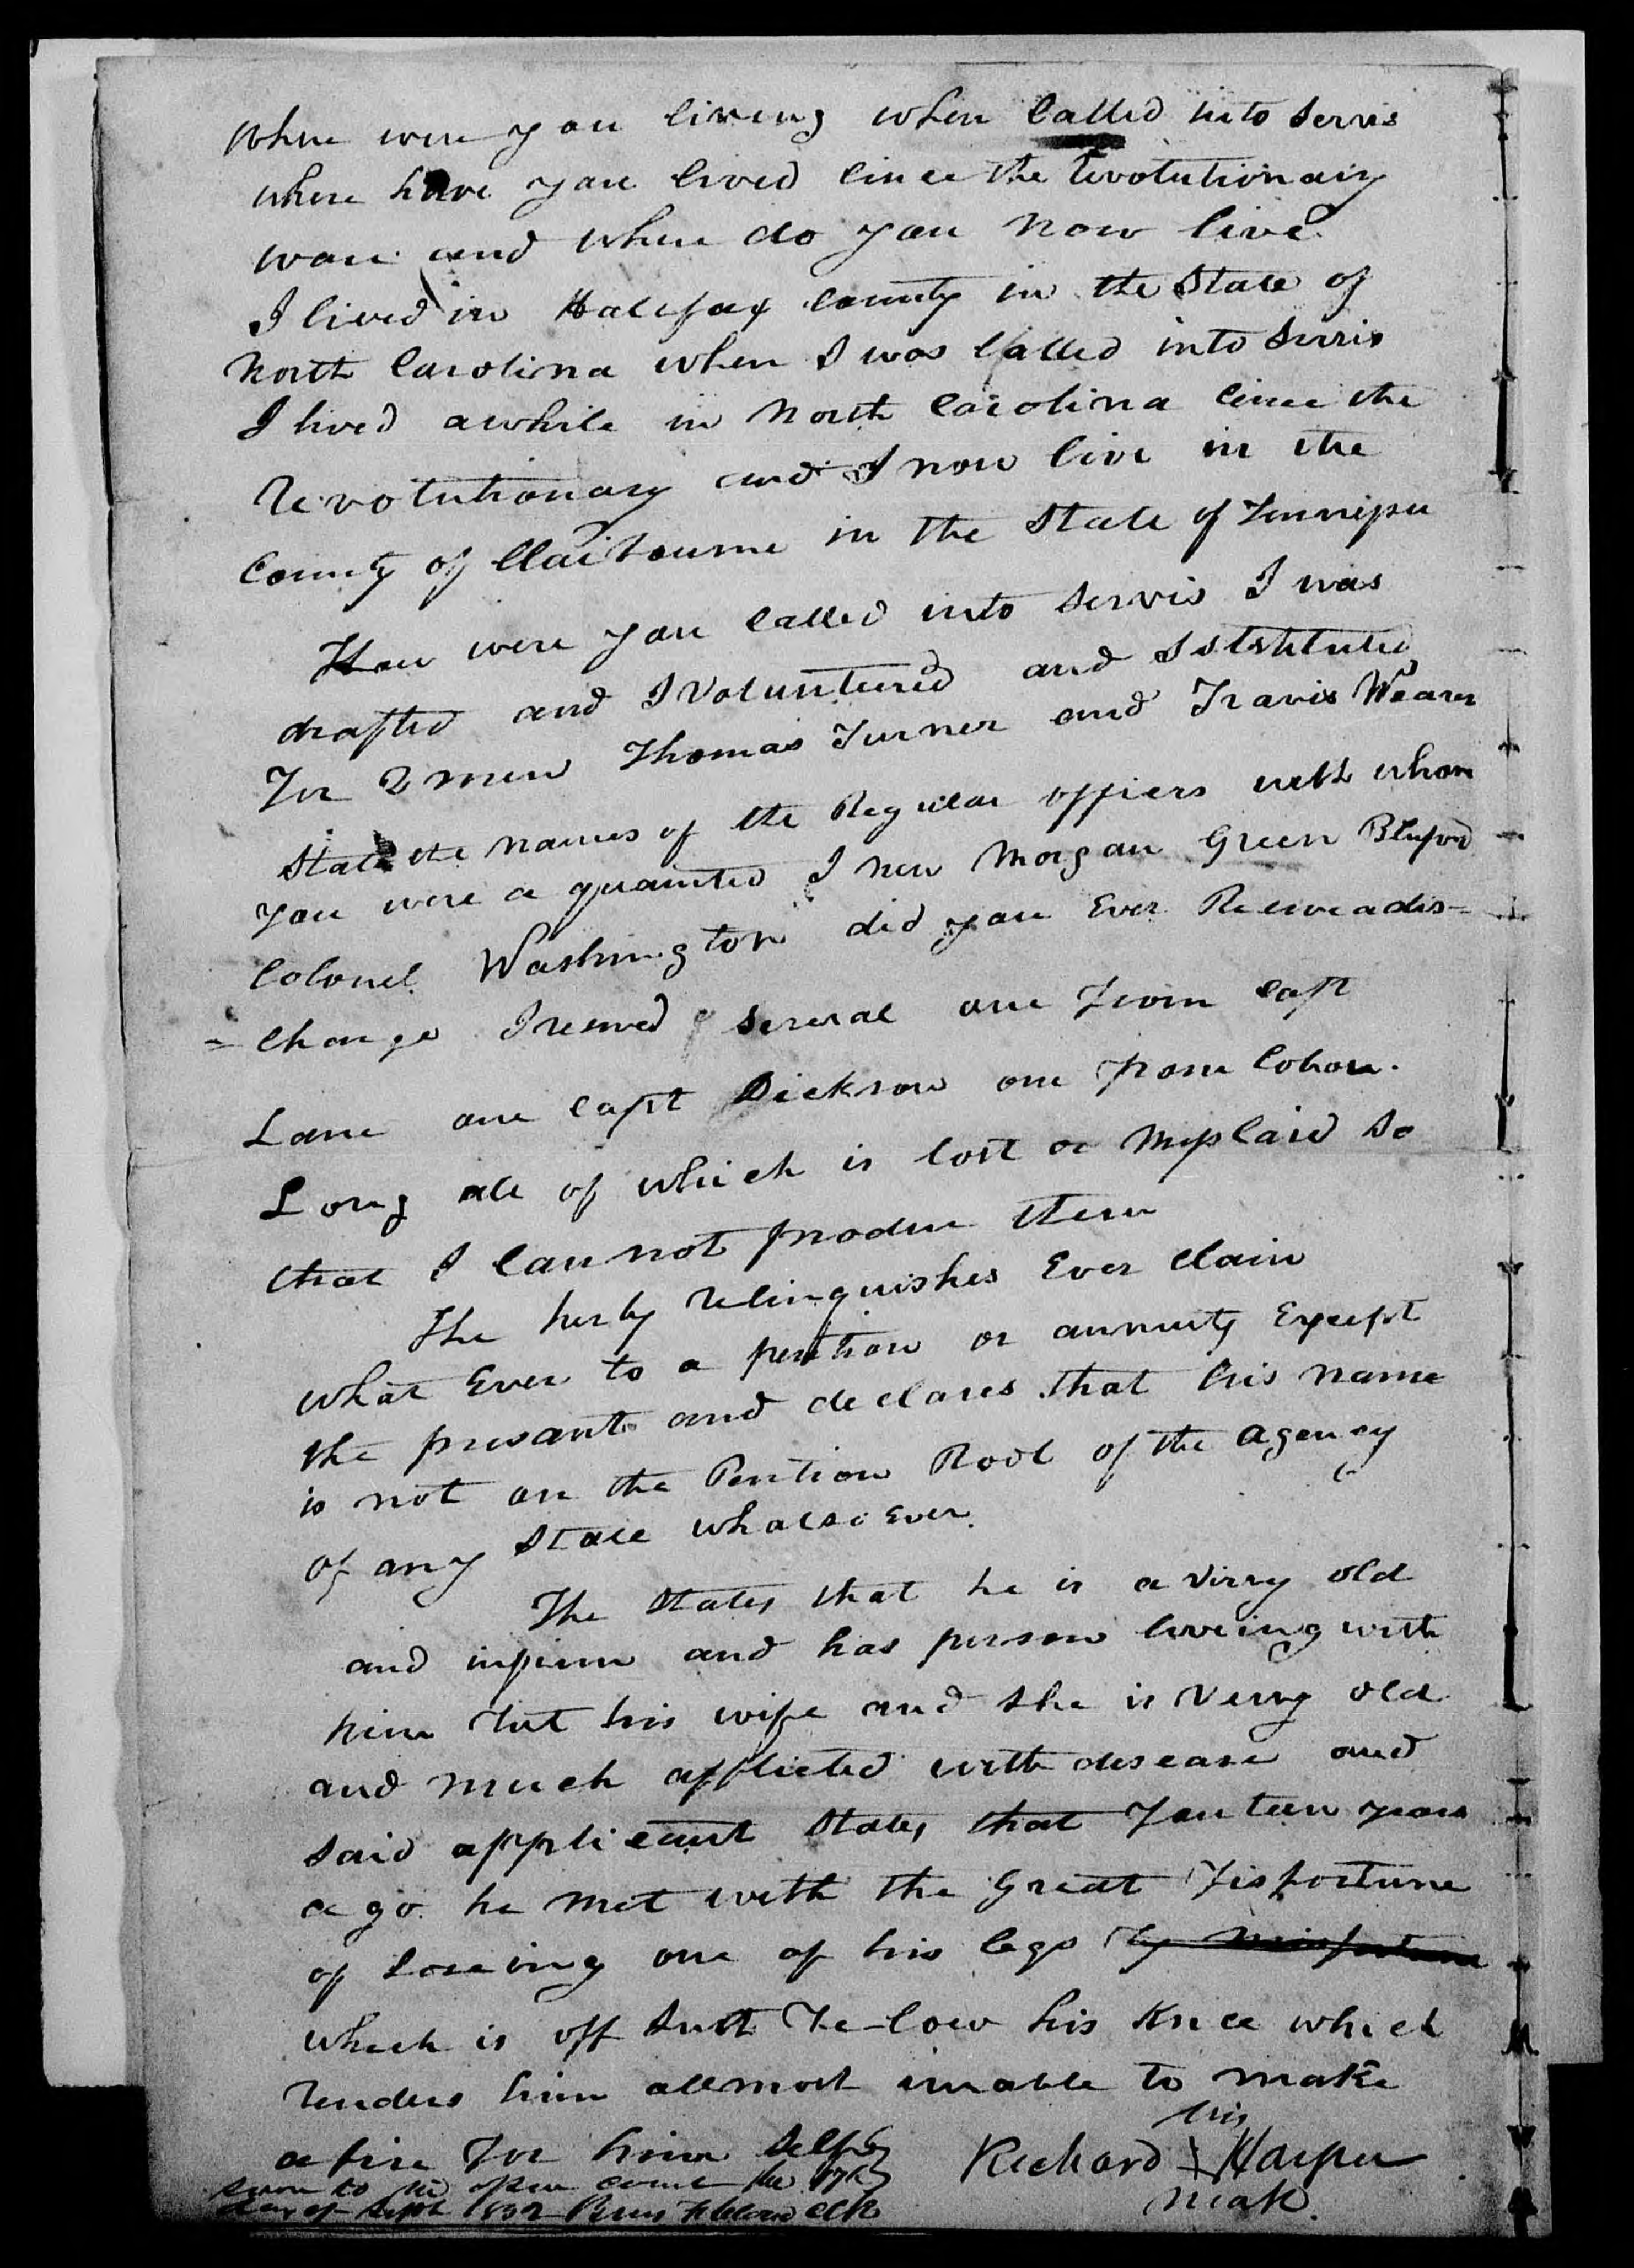where were you living when Called into Servis 
where have you lived since the Revolutionary War and shere do you know live.
I lived in Halifax County in the State of North Carolina when I was called into Servis I lived awhile in North Carolina cince the Revolutionary and I know live in the County of Claiborne in the State of Tennessee.
How were you called into servis I was drafted and I volunteered and substituted for 2 men Thomas Turner and Travis Wearn.
State the names of the Regular officers with whom you were a quainted
I new Morgan Green Bluford Colonel Washington
Did you ever receive a dis charge 
I received several one from Capt Lane one  Capt Dickson one from Colonel Longall of which is lost or mislaid so that I cannot produce them
The herby relenquishes Ever claim what ever to a portion or annuity Except the presant and declares that his name is not on the Pension Pool of the agency of any State whatso Ever.
He states that he is a virry old and infirm and has persons living with him but his wife and she is very old and much afflicted with disease and said applicant states that fourteen years ago he met with the Great Misfortune of loseing one of his legs [by misfortune - CROSSED OUT] which is just below his knee which renders him allmost unable to make a fire for himself.
 Sworn to in open court this 17th day of Sept. 1832 Benj F Cloud CLK
Richard Harper
X his mark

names: Morgan, Dickson, Washington, Lane, Thomas Turner, Travis Weaver, Bluford, Benj F Cloud, Richard Harper, Green, Long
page: 8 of 81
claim: survivor's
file: S. 1908, Richard Harper, N.C.